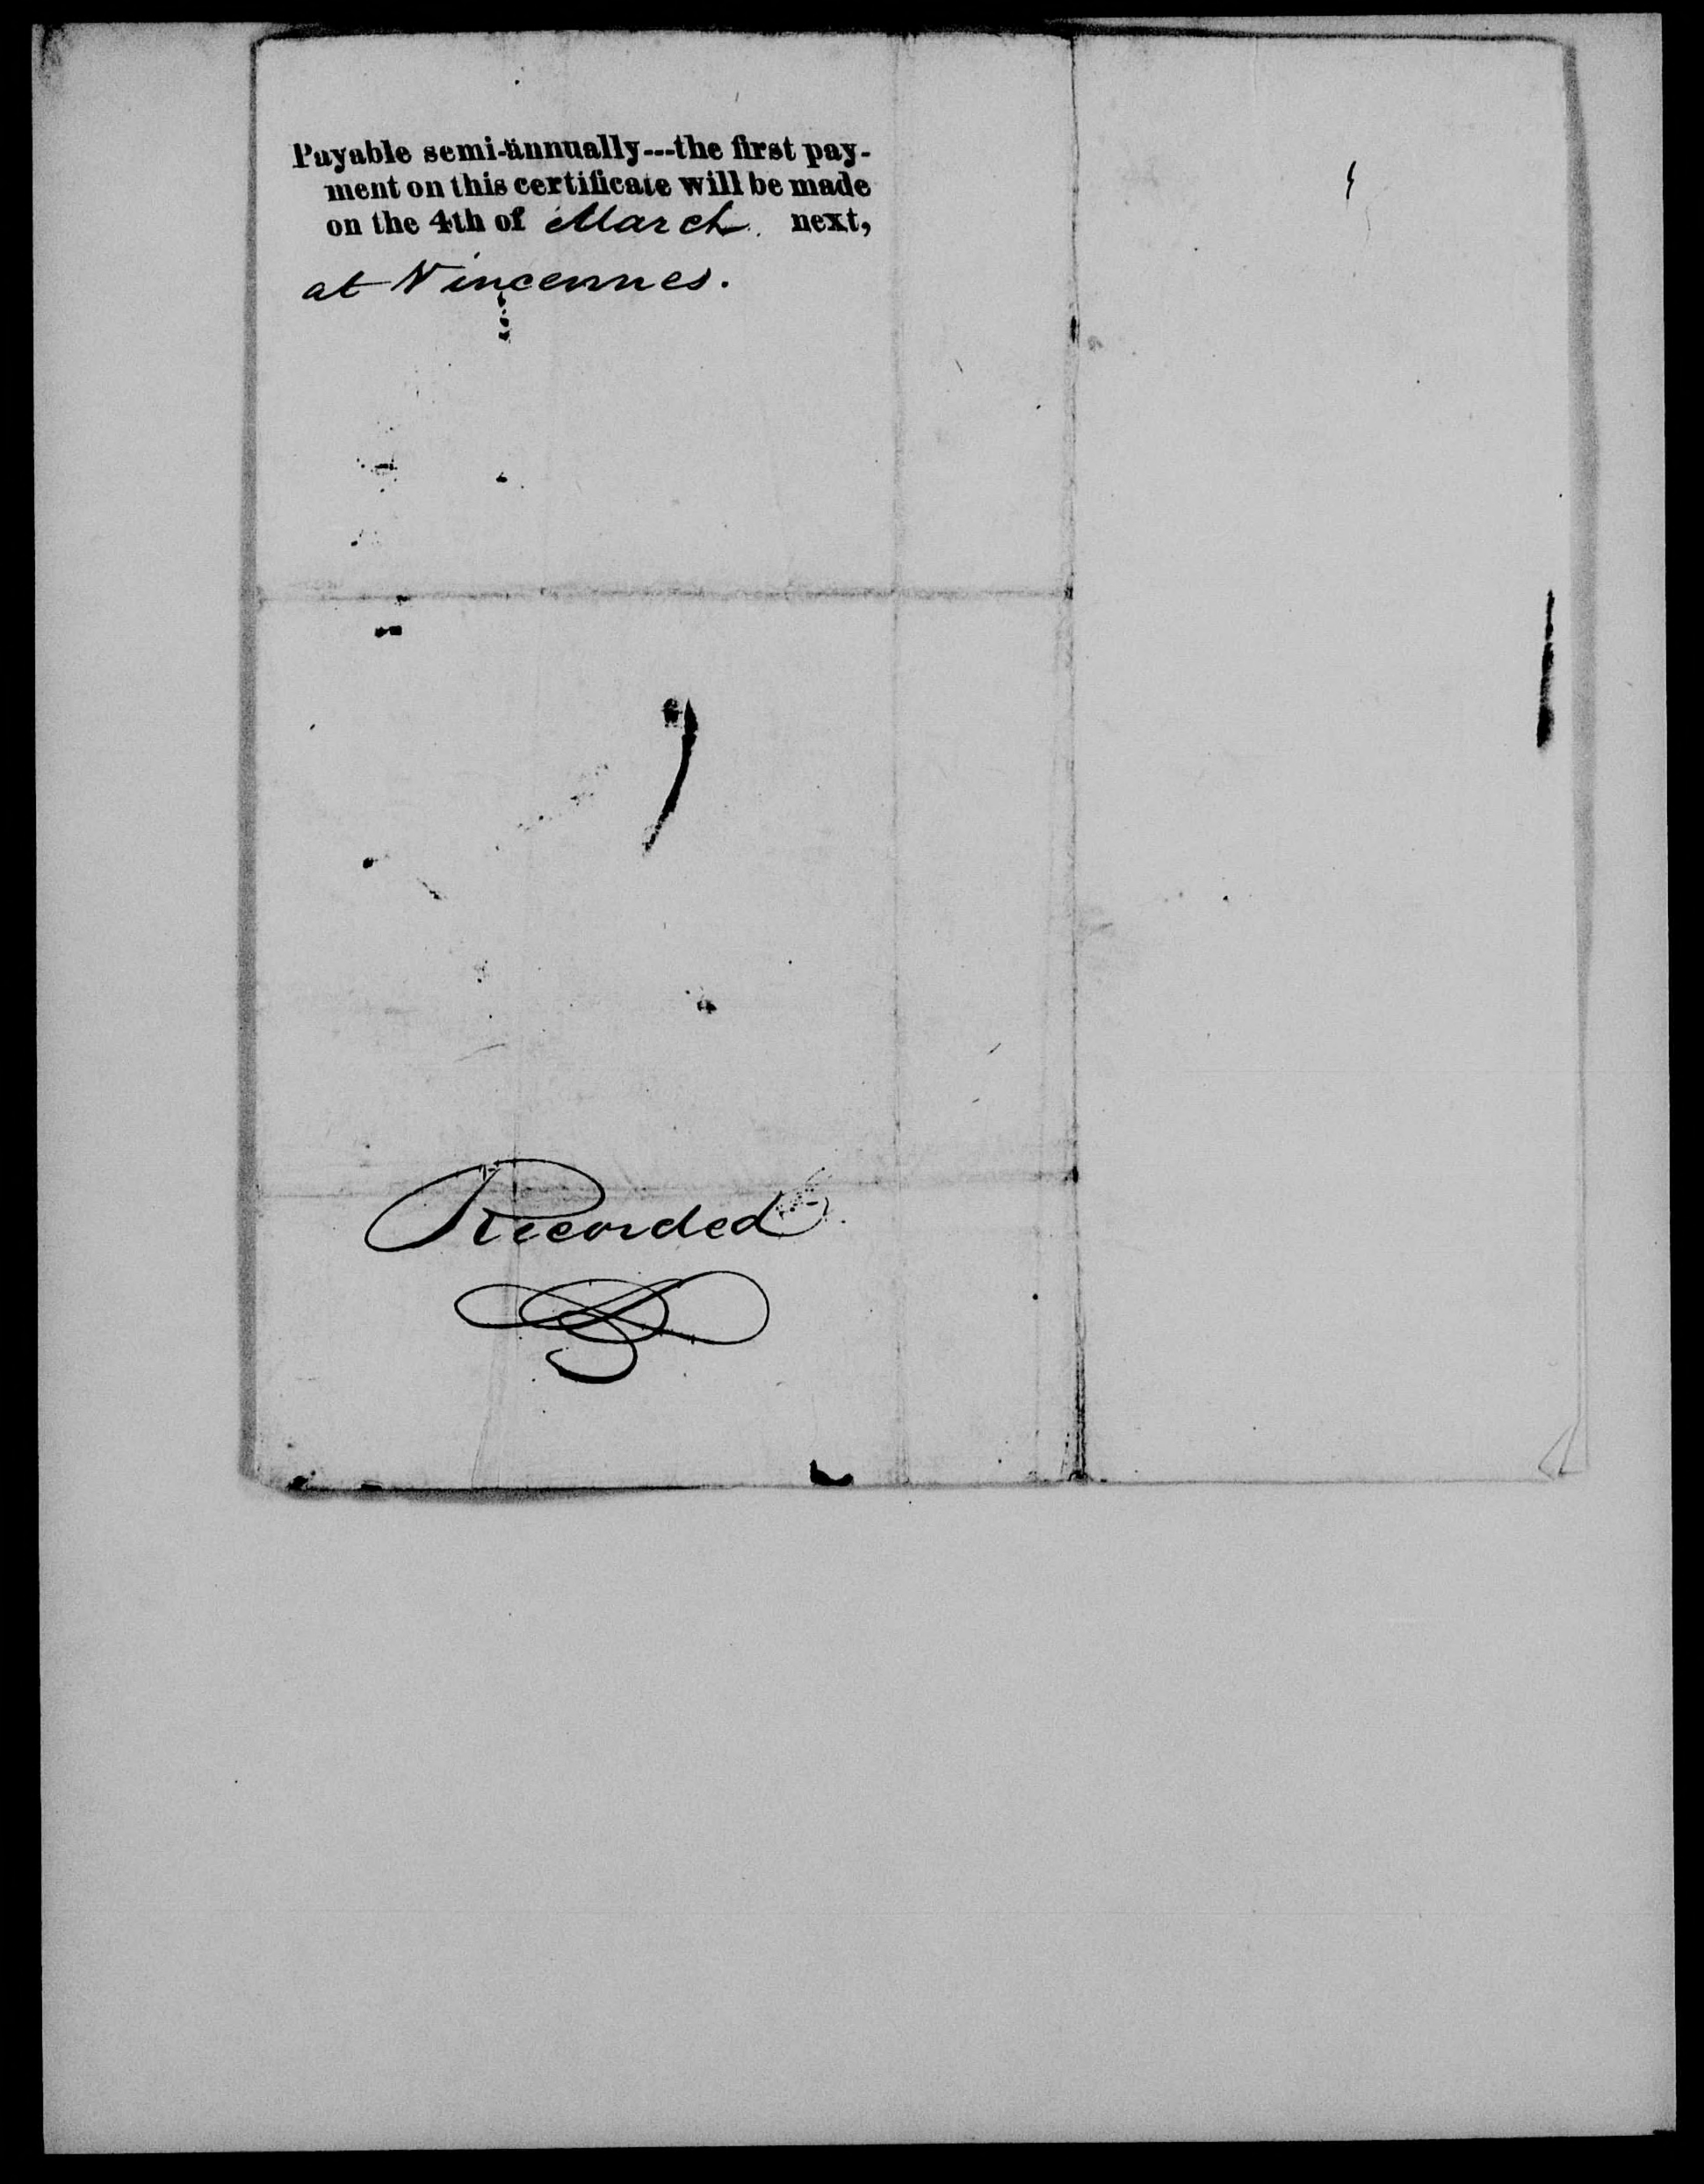[printed form, blanks filled by hand]

Payable semi-annually---the first payment on this certificate will be made on the 4th of March next, at Vincennes.

Recorded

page: 62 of 78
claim: widow's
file: W. 25,169, for Daniel Sullivan, Maryland